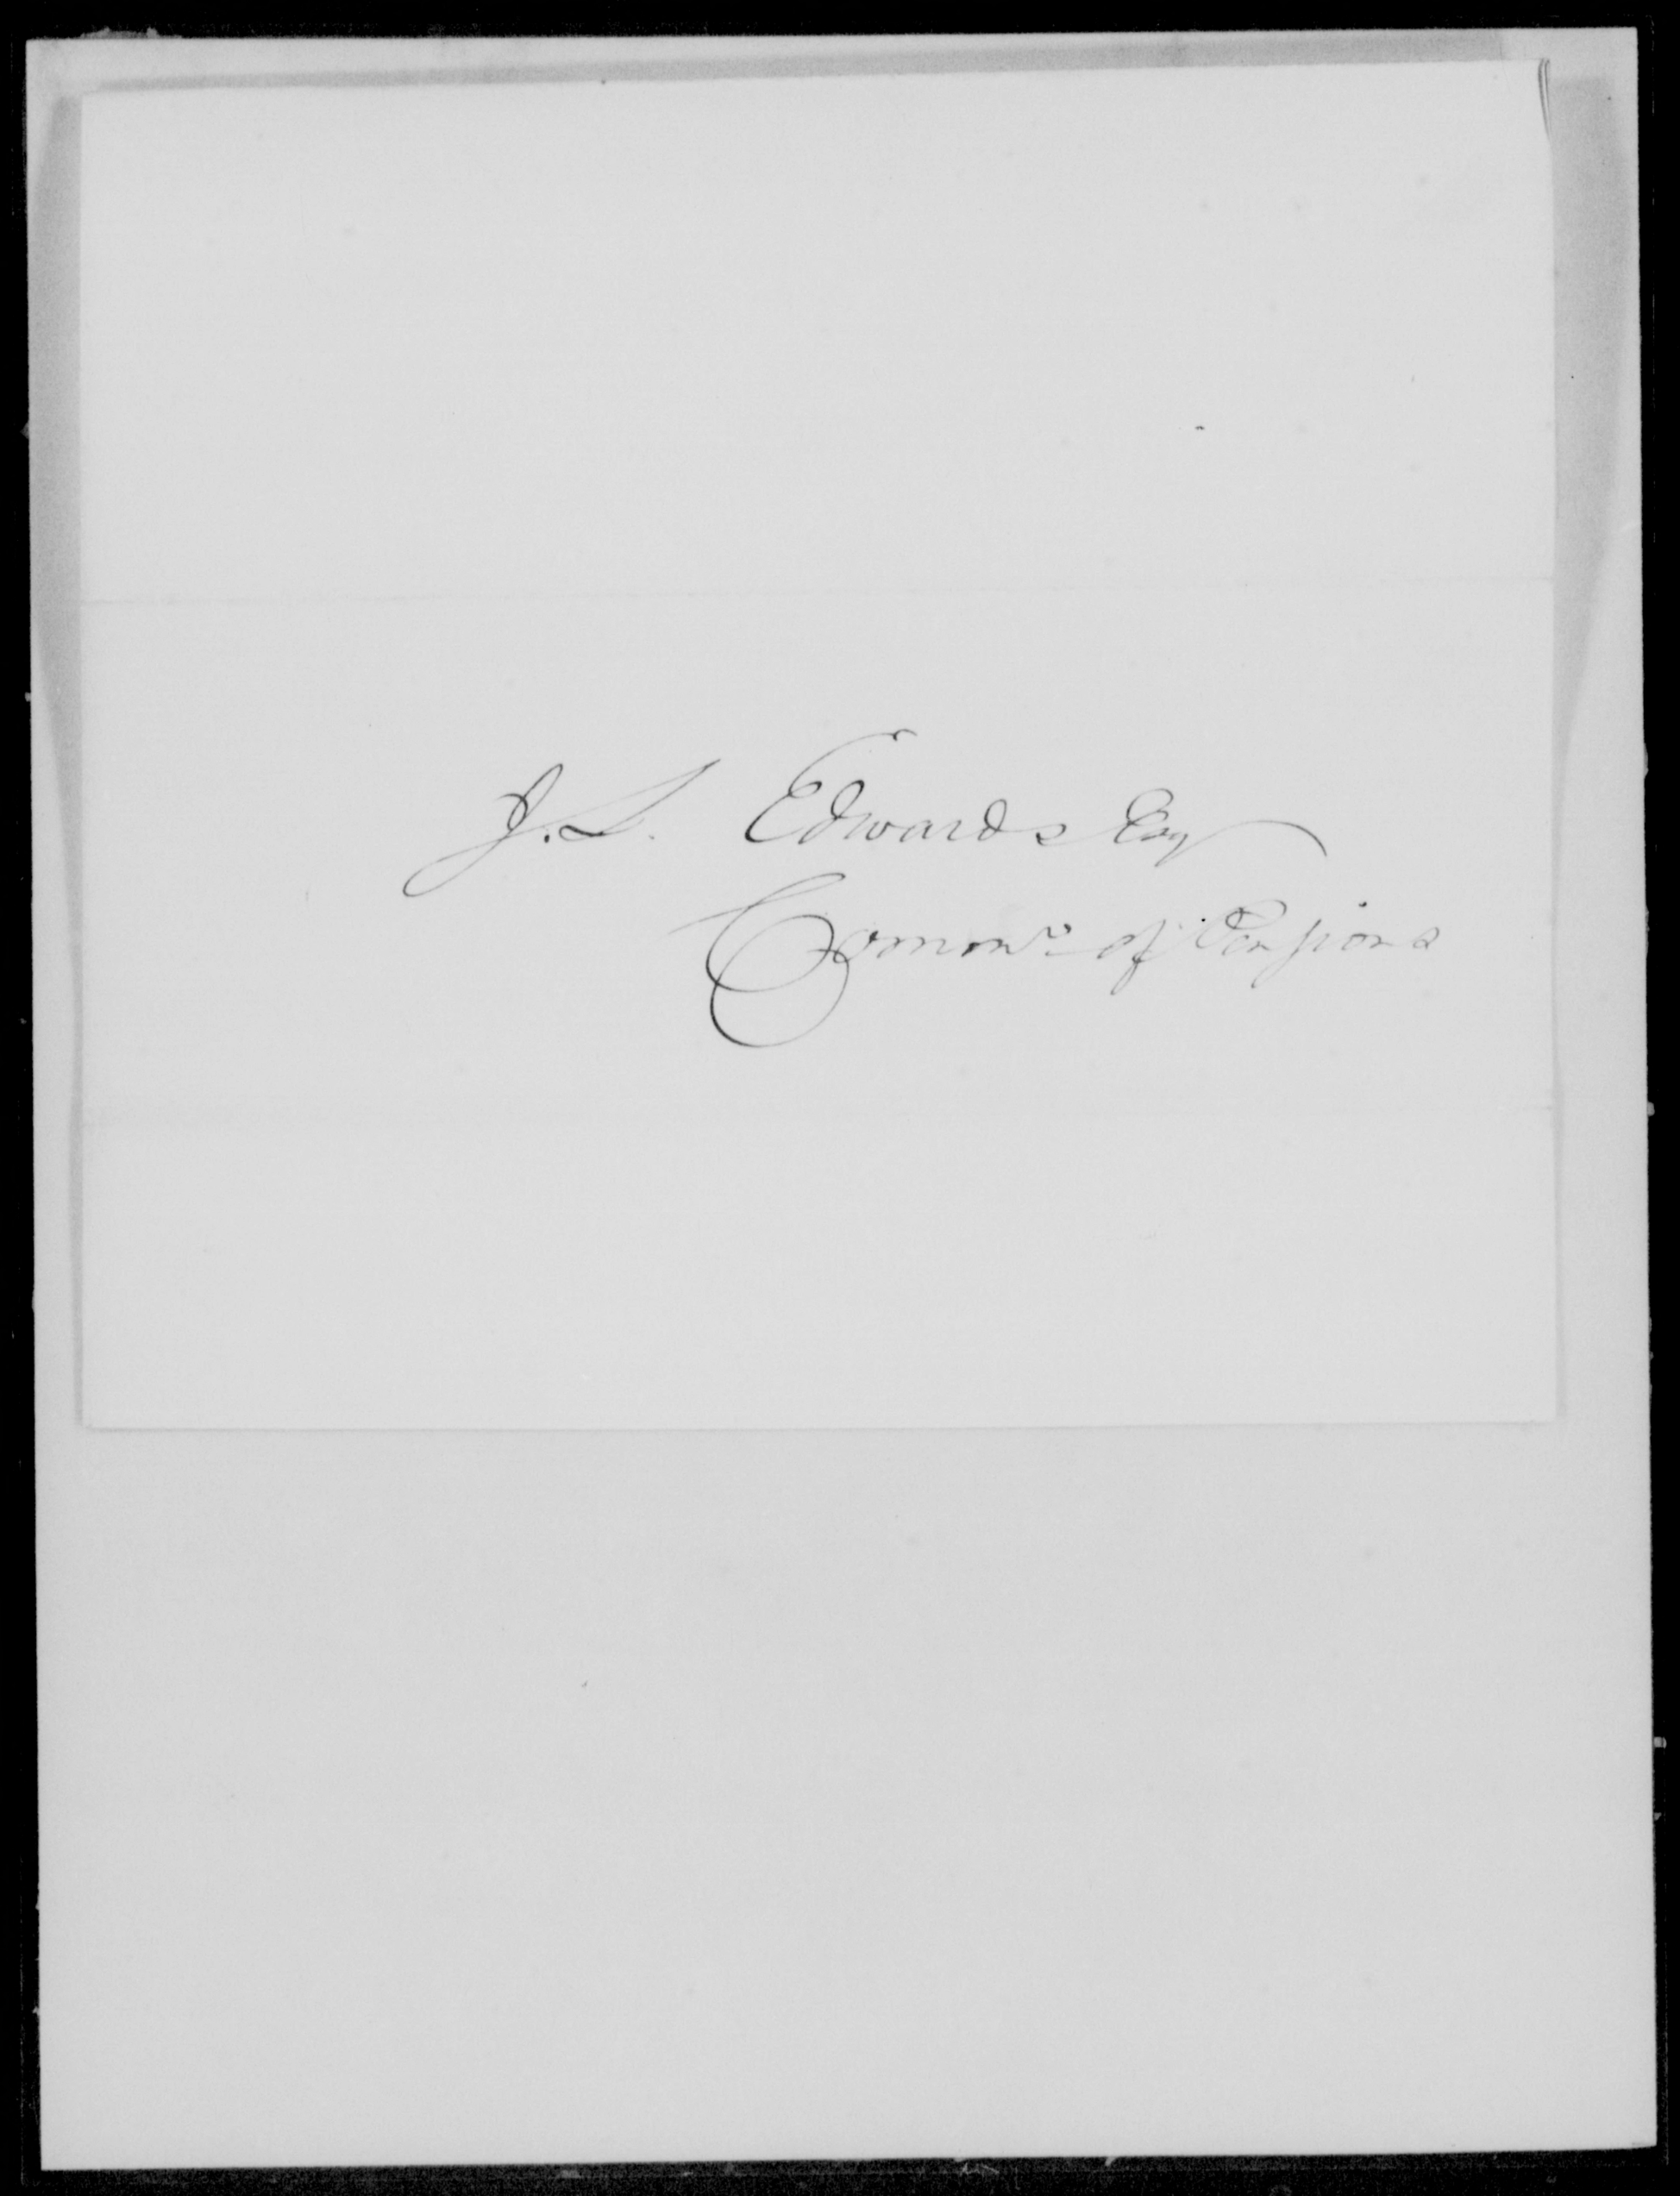J.L. Edwards Esq
Commn. of Pensions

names: J L Edwards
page: 30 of 38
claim: widow's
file: W. 23324, Rudolphus Van Hoevenbergh, New York